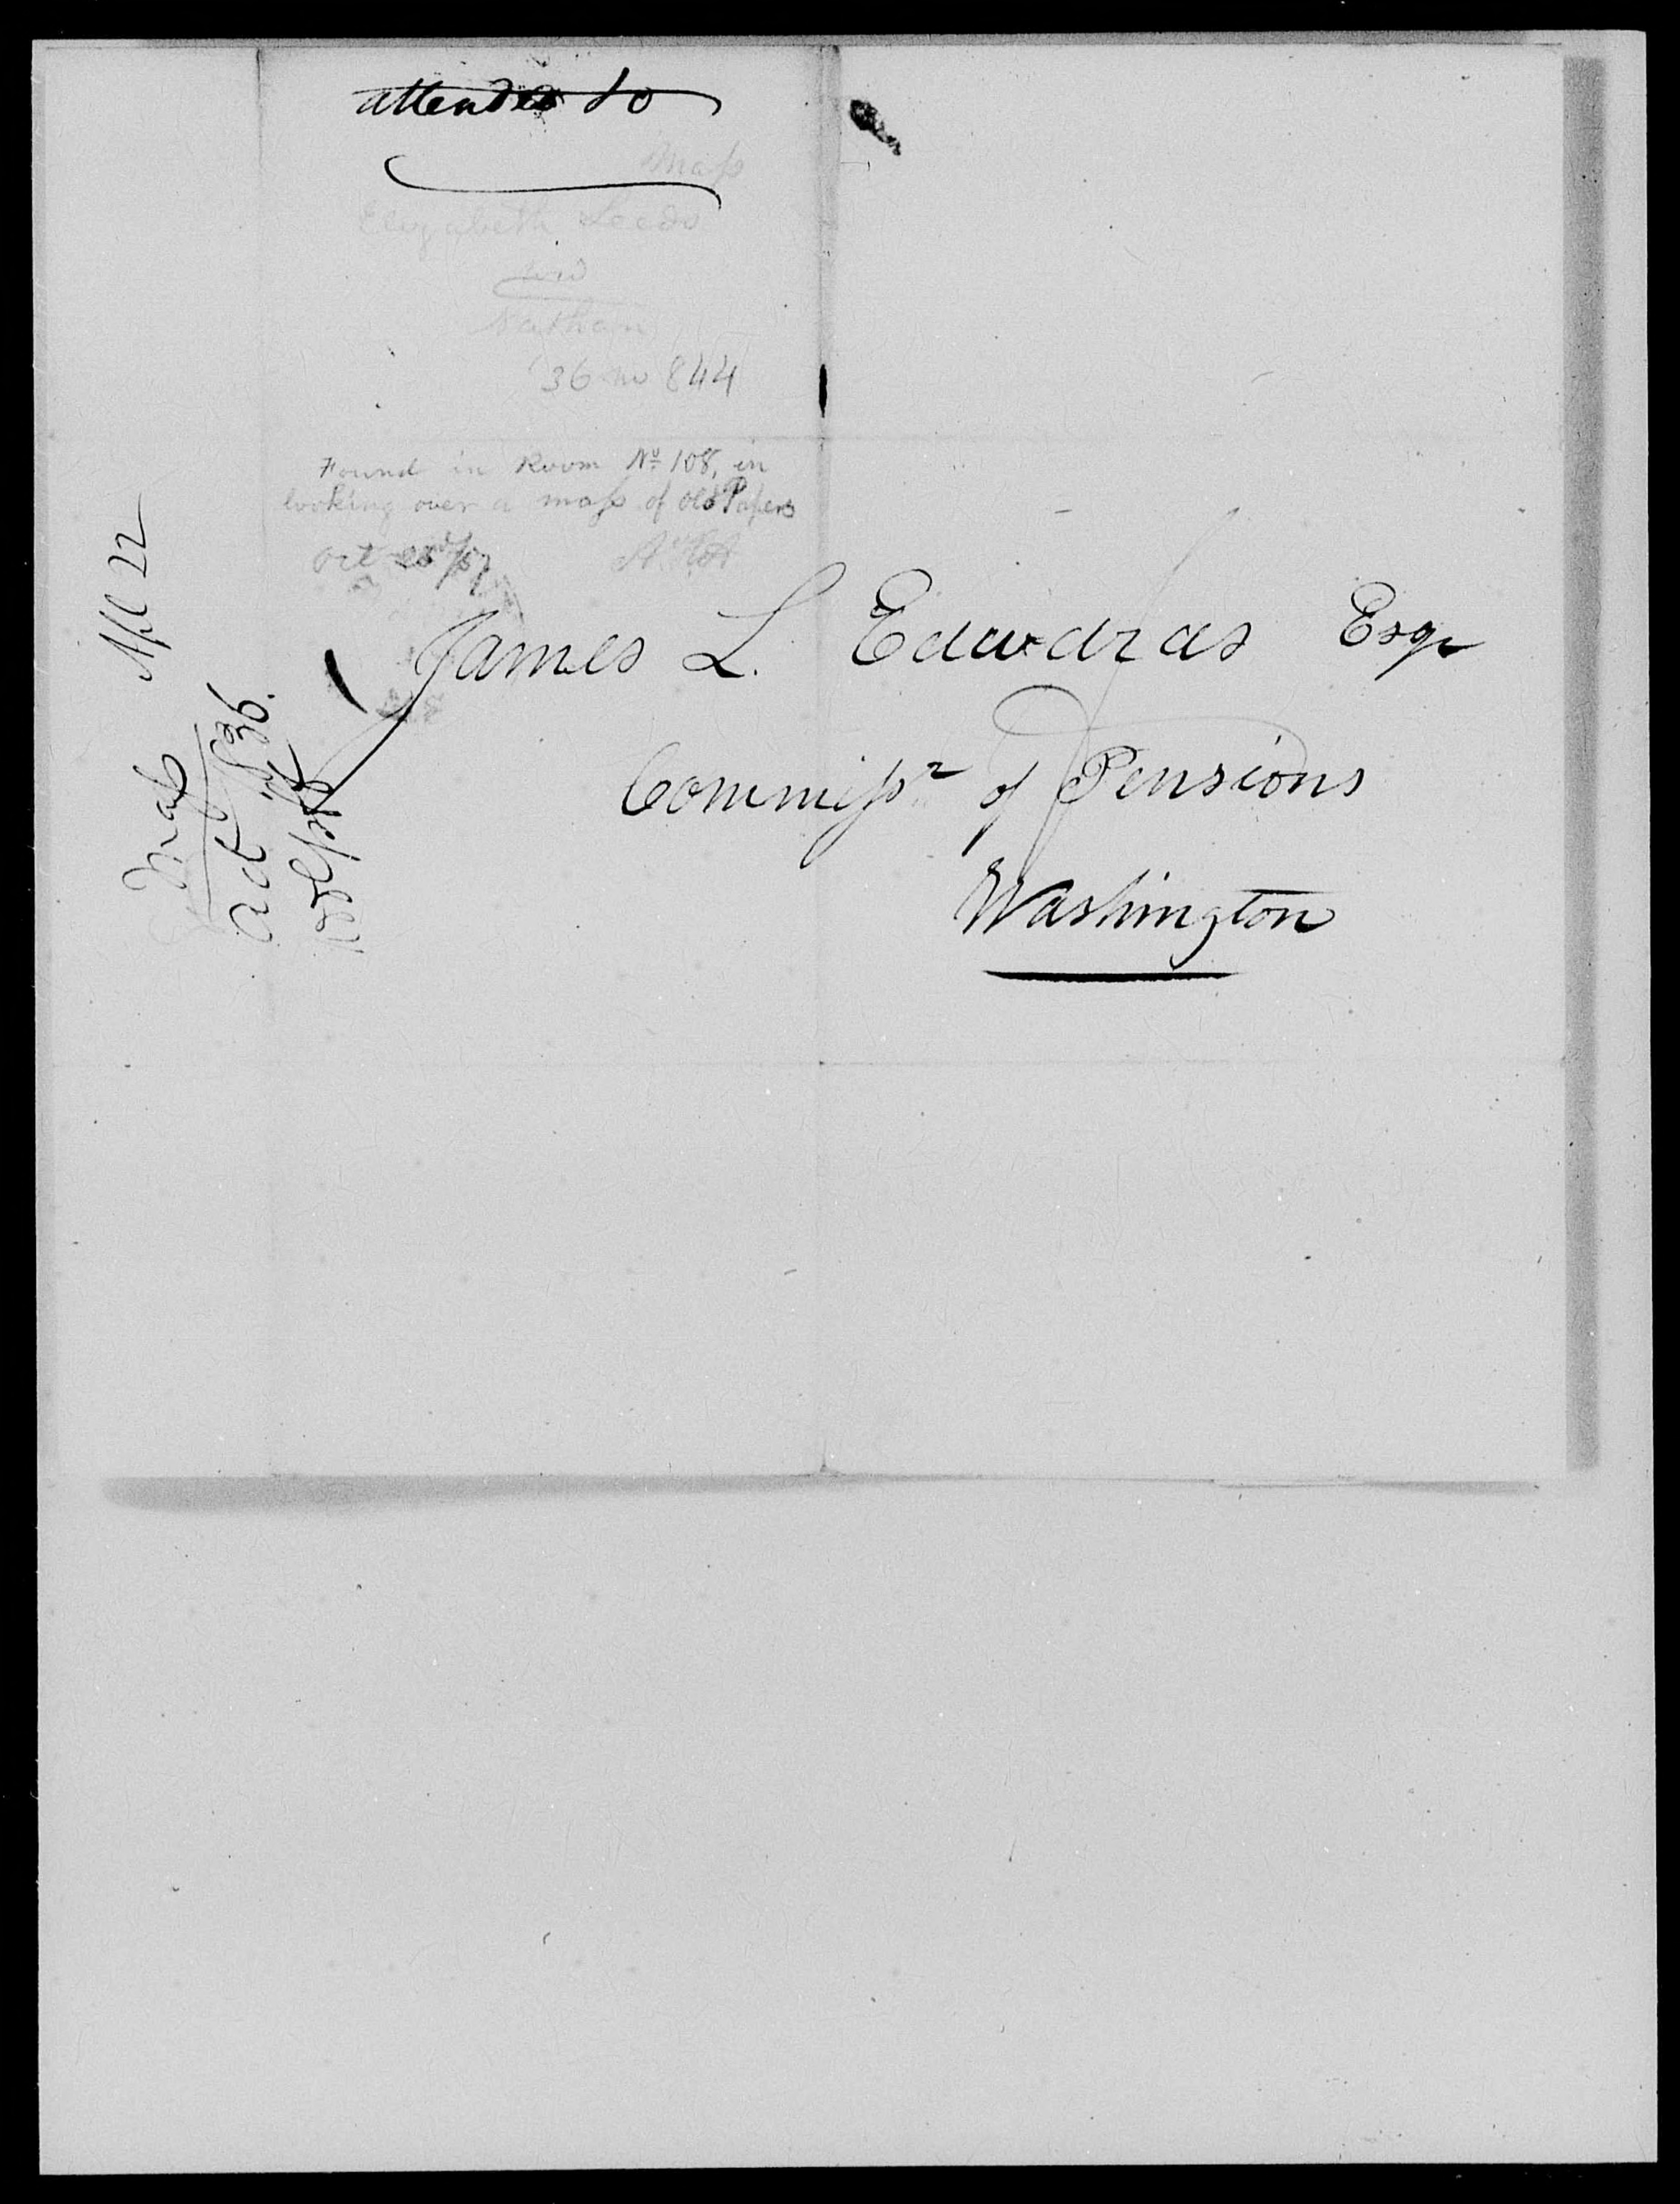James L Edwards Esqr
Commissioner of Pensions
Washington

Found in Room No 108 in looking over a map of old papers.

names: James L Edwards; Elizabeth Leeds; Nathan Leeds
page: 28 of 33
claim: widow's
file: W. 21,567, for Nathan Leeds, Massachusetts